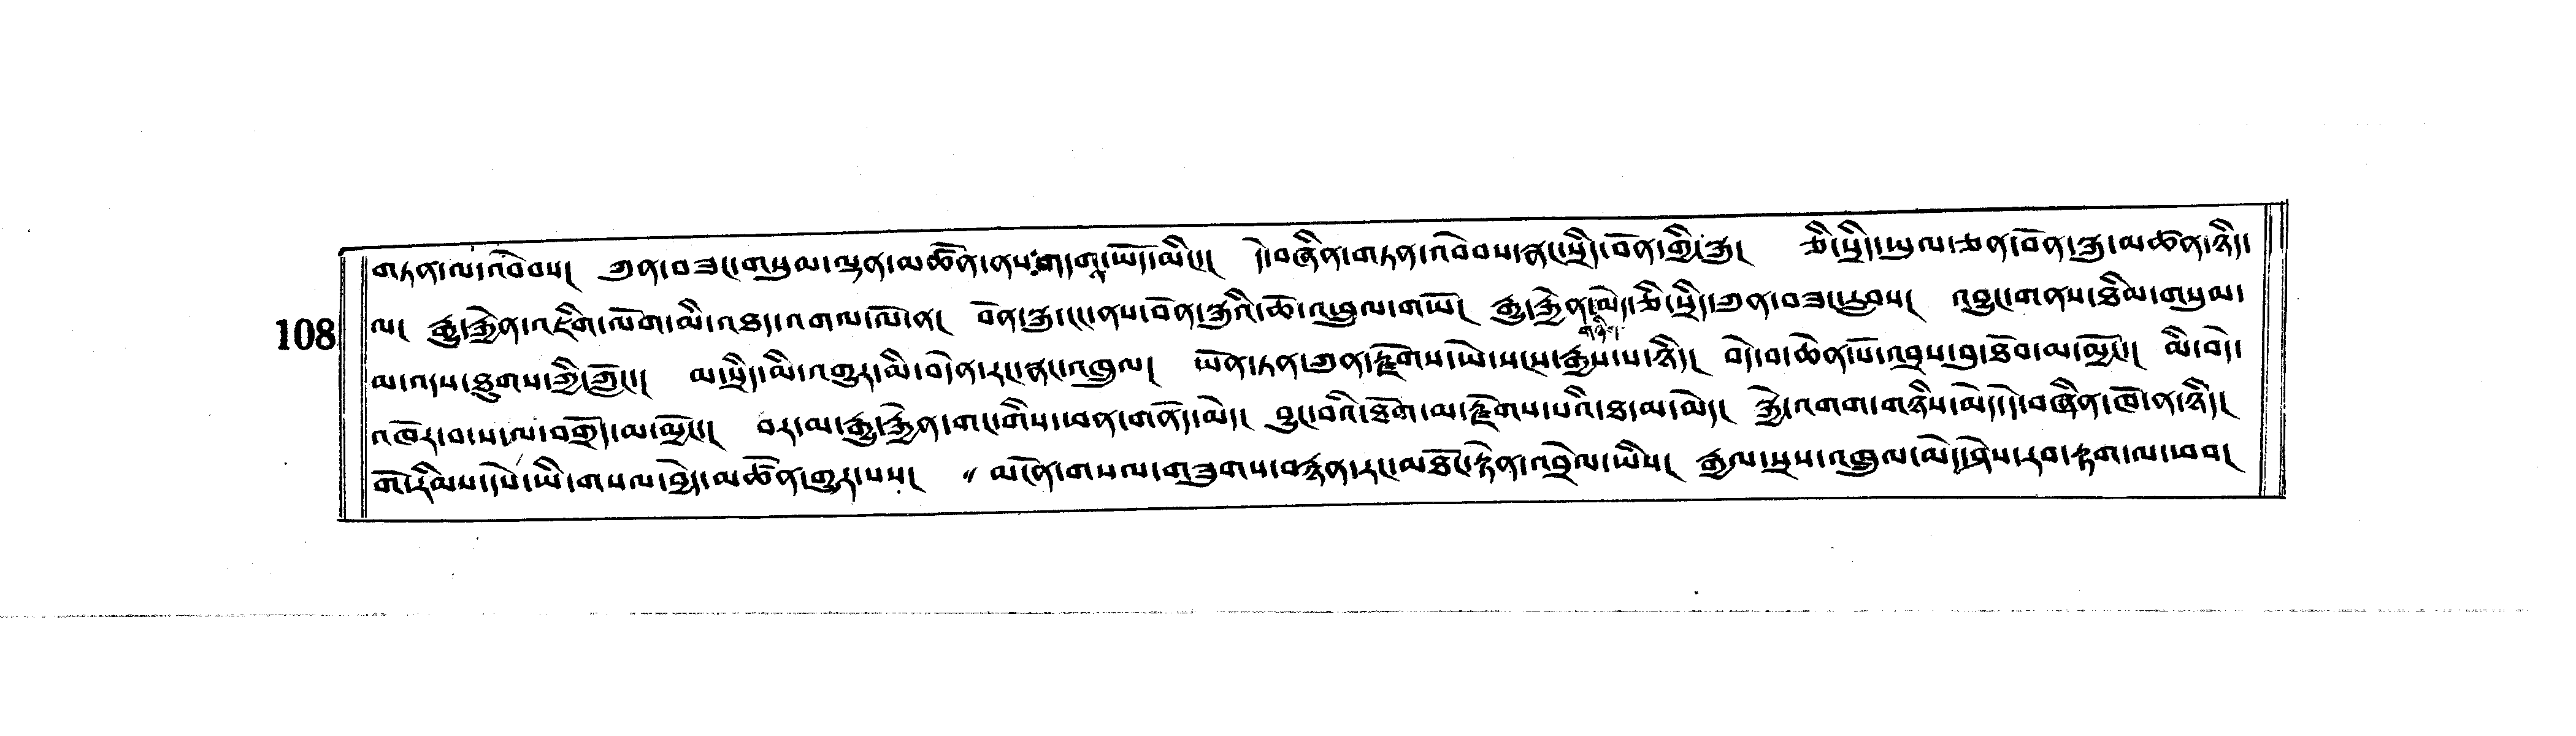གཏན་ལ་འབེབས། ཀུན་བཟང་གསུམ་ལྡན་མཚོན་ནས་གདགས་ཡོད་མིང་། དེ་བཞིན་གཏན་འབེབས་སྣང་སྲིད་བོན་གྱི་སྐུ། ཅི་སྲིད་ཡུལ་ཅན་བོན་སྐུ་མཚན་ཉིད་
ལ། རྒྱུ་རྐྱེན་འཇིག་ལོག་མི་འཐད་འགལ་ལོ་ན། བོན་སྐུ་ངང་ནས་བོན་སྐུའི་ཆོ་འཕྲུལ་གཡོ། རྒྱུ་རྐྱེན་གཉིས་མེད་ཅི་སྲིད་ཀུན་བཟང་རླབས། འབྱུང་གནས་ཐིམ་གསུམ་
མ་འདས་ཐབས་ཀྱི་ཀློང་། མ་སྲིད་མི་འགྱུར་མི་བདེན་རང་སྣང་འཁྲུལ། ཡོན་ཏན་ཀུན་རྫོགས་ཡེ་སངས་རྒྱས་པ་ཉིད། བདེ་བ་ཆེན་པོ་འབྲས་བུ་ཐོབ་མ་མྱོང་། བདེ་བ་ཆེན་པོ་འབྲས་བུ་ཐོབ་མ་མྱོང་། མི་བདེ་
འཁོར་བ་ས་ལ་བགྲོད་མ་མྱོང་། བར་མ་རྒྱུ་རྐྱེན་གང་གིས་ཕན་གནོད་མེད། བྱུང་བའི་ཐ་མ་རྫོགས་པའི་ཐ་མ་མེད། སྐྱེ་འགག་གཉིས་མེད་དེ་བཞིན་ཁོ་ན་ཉིད། 
གོ་རིམ་དཔེ་ཡིས་གསལ་བྱེད་མཚོན་གྱུར་པས། ༧ མངོན་གསལ་གཟུགས་བརྙན་རང་མཐོང་རྟེན་འབྲེལ་ཡིས། རྒྱལ་སྲས་འཁྲུལ་མེད་ཤེས་རབ་རྟག་ལ་ཕབ།